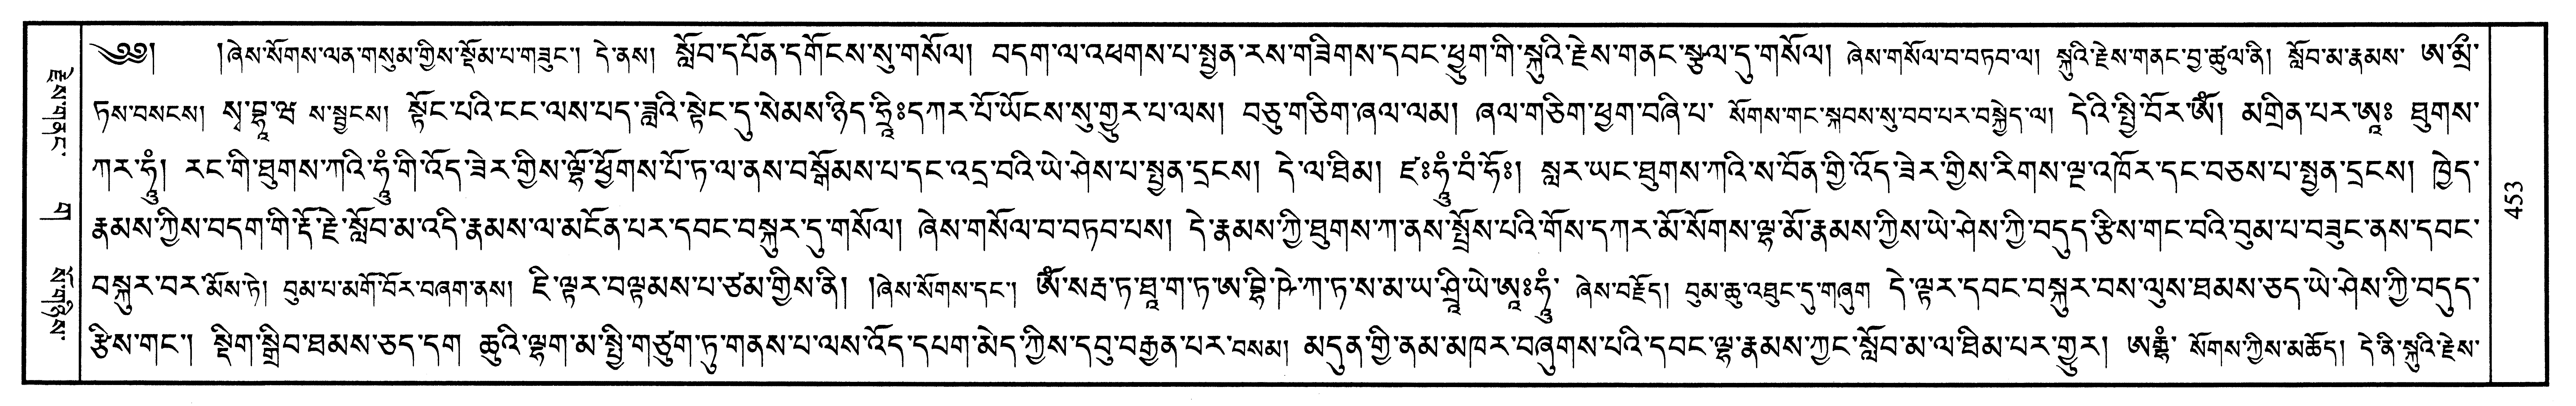༄༅། །ཞེས་སོགས་ལན་གསུམ་གྱིས་སྡོམ་པ་གཟུང་། དེ་ནས། སློབ་དཔོན་དགོངས་སུ་གསོལ། བདག་ལ་འཕགས་པ་སྤྱན་རས་གཟིགས་དབང་ཕྱུག་གི་སྐུའི་རྗེས་གནང་སྩལ་དུ་གསོལ། ཞེས་གསོལ་བ་བཏབ་ལ། སྐུའི་རྗེས་གནང་བྱ་ཚུལ་ནི། སློབ་མ་རྣམས་ཨ་མྲྀ་
ཏས་བསངས། སྭ་བྷཱ་ཝ་ས་སྦྱངས། སྟོང་པའི་ངང་ལས་པད་ཟླའི་སྟེང་དུ་སེམས་ཉིད་ཧྲཱིཿ དཀར་པོ་ཡོངས་སུ་གྱུར་པ་ལས། བཅུ་གཅིག་ཞལ་ལམ། ཞལ་གཅིག་ཕྱག་བཞི་པ་སོགས་གང་སྐབས་སུ་བབ་པར་བསྐྱེད་ལ། དེའི་སྤྱི་བོར་ཨོཾ། མགྲིན་པར་ཨཱཿ ཐུགས་
ཀར་ཧཱུཾ། རང་གི་ཐུགས་ཀའི་ཧཱུཾ་གི་འོད་ཟེར་གྱིས་ལྷོ་ཕྱོགས་པོ་ཏ་ལ་ནས་བསྒོམས་པ་དང་འདྲ་བའི་ཡེ་ཤེས་པ་སྤྱན་དྲངས། དེ་ལ་ཐིམ། ཛཿ ཧཱུཾ་བཾ་ཧོཿ། སླར་ཡང་ཐུགས་ཀའི་ས་བོན་གྱི་འོད་ཟེར་གྱིས་རིགས་ལྔ་འཁོར་དང་བཅས་པ་སྤྱན་དྲངས། ཁྱེད་
རྣམས་ཀྱིས་བདག་གི་རྡོ་རྗེ་སློབ་མ་འདི་རྣམས་ལ་མངོན་པར་དབང་བསྐུར་དུ་གསོལ། ཞེས་གསོལ་བ་བཏབ་པས། དེ་རྣམས་ཀྱི་ཐུགས་ཀ་ནས་སྤྲོས་པའི་གོས་དཀར་མོ་སོགས་ལྷ་མོ་རྣམས་ཀྱིས་ཡེ་ཤེས་ཀྱི་བདུད་རྩིས་གང་བའི་བུམ་པ་བཟུང་ནས་དབང་
བསྐུར་བར་མོས་ཏེ། བུམ་པ་མགོ་བོར་བཞག་ནས། ཇི་ལྟར་བལྟམས་པ་ཙམ་གྱིས་ནི། །ཞེས་སོགས་དང་། ཨོཾ་སརྦ་ཏ་ཐཱ་ག་ཏ་ཨ་བྷི་ཥེ་ཀ་ཏ་ས་མ་ཡ་ཤྲཱི་ཡེ་ཨཱཿ ཧཱུཾ། ཞེས་བརྗོད། བུམ་ཆུ་འཐུང་དུ་གཞུག །དེ་ལྟར་དབང་བསྐུར་བས་ལུས་ཐམས་ཅད་ཡེ་ཤེས་ཀྱི་བདུད་
རྩིས་གང་། སྡིག་སྒྲིབ་ཐམས་ཅད་དག་ཆུའི་ལྷག་མ་སྤྱི་གཙུག་ཏུ་གནས་པ་ལས་འོད་དཔག་མེད་ཀྱིས་དབུ་བརྒྱན་པར་བསམ། མདུན་གྱི་ནམ་མཁར་བཞུགས་པའི་དབང་ལྷ་རྣམས་ཀྱང་སློབ་མ་ལ་ཐིམ་པར་གྱུར། ཨརྒྷཾ་སོགས་ཀྱིས་མཆོད། དེ་ནི་སྐུའི་རྗེས་